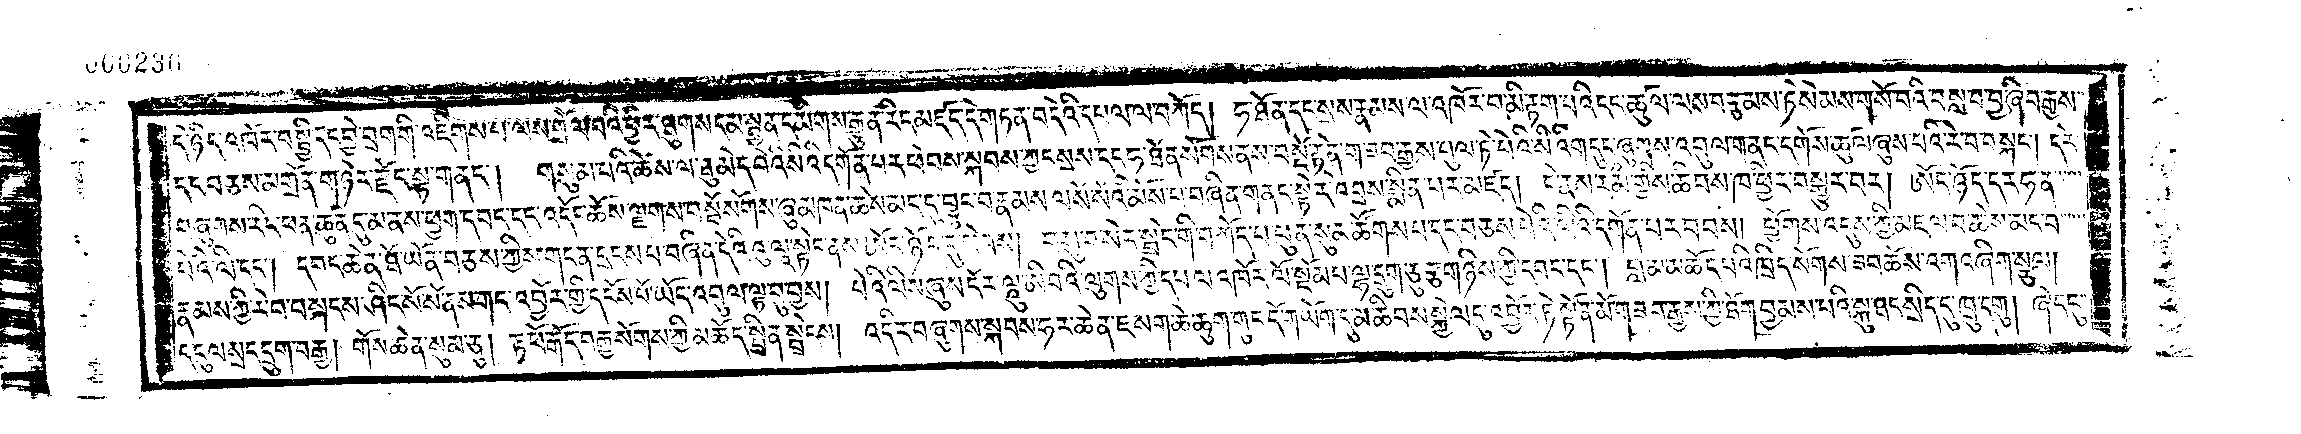དེ་ཉིད་འཁོར་བ་སྤྱི་དང་བྱེ་བྲག་གི་འཇིགས་པ་ལས་གྲོལ་བའི་ཕྱིར་ཐུགས་དམ་སྤྱན་དམིགས་རྒྱུན་རིང་མཛད་དེ་གཏན་བདེའི་དཔལ་ལ་བཀོད། ཧ་ཐོན་དང་སྲས་རྣམས་ལ་འཁོར་བ་མི་རྟག་པའི་དང་ཚུལ་ལས་བརྩམས་ཏེ་སེམས་གསོ་བའི་བསླབ་བྱ་ཞིབ་རྒྱས་
དང་བཅས་མགྲོན་གཉེར་རྫོང་སྟ་གནང་། གསུམ་པའི་ཆོས་ལ་ཐུ་མེད་པེའི་སིའི་དགོན་པར་ཕེབས་སྐབས་ཀྱང་སྲས་དང་ཧ་ཐོན་སོགས་ནས་བསྔོ་རྟེན་གཟབ་རྒྱས་ཕུལ་ཏེ་པེའི་སིའི་གདུང་ཞུགས་འབུལ་གནང་དགོས་ཚུལ་ཞུས་པའི་རེ་བ་བསྐང་། དེར་
བཞུགས་རིང་ཕན་ཚུན་དུ་མ་ནས་ཕྱག་དབང་དང་འདོད་ཆོས་ལྗགས་བསྔོ་སོགས་ཞུ་མཁན་ཆེས་མང་དུ་བྱུང་བ་རྣམས་ལ་སོ་སོའི་མོས་པ་བཞིན་གནང་སྟེ་རེ་འབྲས་སྨིན་པར་མཛད། དེ་ནས་རྀམ་གྱིས་ཆིབས་ཁ་ཕྱིར་བསྒྱུར་བར། ཨོང་ཉོད་དར་ཧན་
པེའི་ལི་དང་། དབང་ཆེན་ཐོ་ཡོན་བཅས་ཀྱིས་གདན་དྲངས་བ་བཞིན་དེའི་འུ་ལཱ་སྟེང་ནས་ཨོང་ཉོད་དུ་ཕེབས། བསུ་བ་སེར་སྦྲེང་གི་བཀོད་པ་ཕུན་སུམ་ཚོགས་པ་དང་བཅས་པེའི་ལིའི་དགོན་པར་བབས། ཕྱོགས་འདུས་ཀྱི་མཇལ་བ་ཆེས་མང་བ་
རྣམས་ཀྱི་རེ་བ་བསྐངས་ཤིང་སོ་སོ་ནས་གང་འབྱོར་གྱི་དངོས་པོ་ཡོད་འབུལ་ལྟ་བུ་བྱས། པེའི་ལིས་ཞུས་ངོར་ལཱུ་ཨི་བའི་ལུགས་ཀྱི་དཔལ་འཁོར་ལོ་སྔོམ་པ་ལྷ་དྲུག་ཅུ་རྩ་གཉིས་ཀྱི་དབང་དང་། བླ་མ་མཆོད་པའི་ཁྲིད་སོགས་ཟབ་ཆོས་འགའ་ཞིག་སྩལ།
དངུལ་སྲང་དྲུག་བརྒྱ། གོས་ཆེན་སུམ་ཅུ། རྟ་པོ་རྒོད་བརྒྱ་སོགས་ཀྱི་མཆོད་སྤྲིན་སྦྲེངས?། འདིར་བཞུགས་སྐབས་ཧར་ཆེན་ཇ་སག་ཆེ་ཆུག་གུང་དོ་གཡོག་དུ་མ་ཆིབས་སྐྱེལ་དུ་འབྱོར་ཏེ་སྟོན་མོ་གཟབ་རྒྱས་ཀྱི་ཐོག་བྱམས་པའི་སྐུ་ཐང་སྲིད་དུ་ཁྲུ་དགུ། ཞེང་དུ་